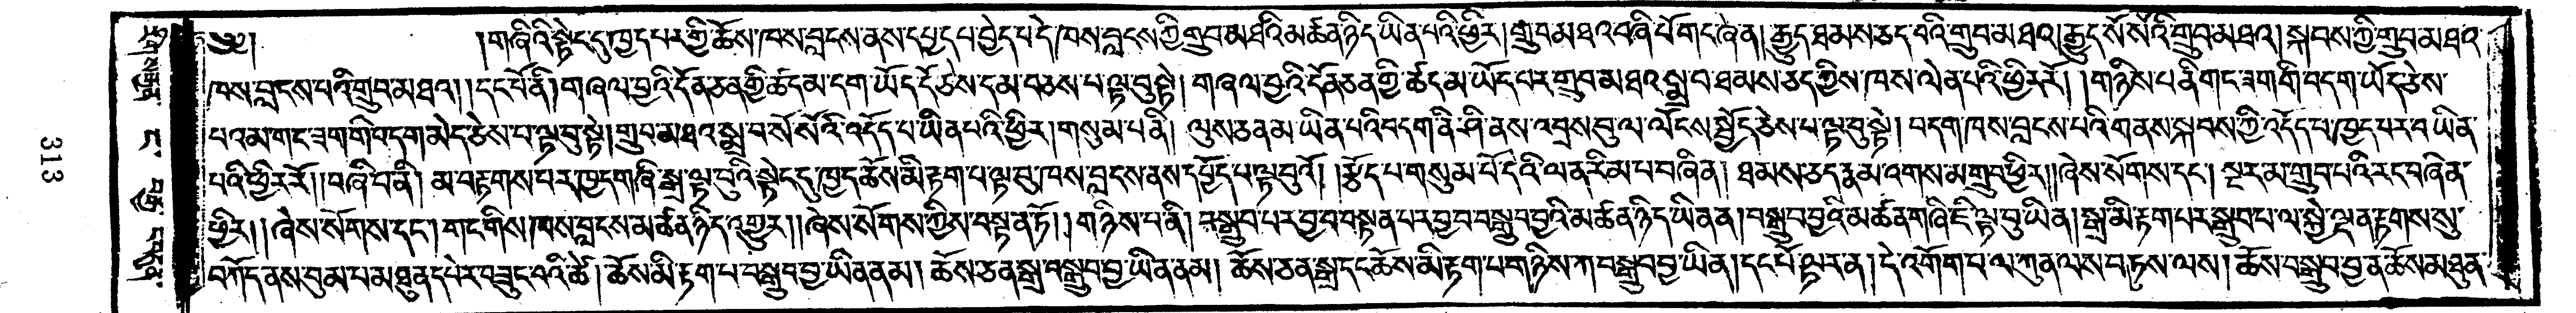༄༅། །གཞིའི་སྟེང་དུ་ཁྱད་པར་གྱི་ཆོས་ཁས་བླངས་ནས་དཔྱད་པ་བྱེད་པ་དེ་ཁས་བླངས་ཀྱི་གྲུབ་མཐའི་མཚན་ཉིད་ཡིན་པའི་ཕྱིར། གྲུབ་མཐའ་བཞི་པོ་གང་ཞེ་ན། རྒྱུད་ཐམས་ཅད་པའི་གྲུབ་མཐའ། རྒྱུད་སོ་སོའི་གྲུབ་མཐའ། སྐབས་ཀྱི་གྲུབ་མཐའ་
ཁས་བླངས་པའི་གྲུབ་མཐའ། །དང་པོ་ནི། གཞལ་བྱའི་དོན་ཅན་གྱི་ཚད་མ་དག་ཡོད་དོ་ཅེས་དམ་བཅས་པ་ལྟ་བུ་སྟེ། གཞལ་བྱའི་དོན་ཅན་གྱི་ཚད་མ་ཡོད་པར་གྲུབ་མཐའ་སྨྲ་བ་ཐམས་ཅད་ཀྱིས་ཁས་ལེན་པའི་ཕྱིར་རོ། །གཉིས་པ་ནི་གང་ཟག་གི་བདག་ཡོད་ཅེས་
པའམ་གང་ཟག་གི་བདག་མེད་ཅེས་པ་ལྟ་བུ་སྟེ། གྲུབ་མཐའ་སྨྲ་བ་སོ་སོའི་འདོད་པ་ཡིན་པའི་ཕྱིར། གསུམ་པ་ནི། ལུས་ཅན་མ་ཡིན་པའི་བདག་ནི་ཤི་ནས་འབྲས་བུ་ལ་ལོངས་སྤྱོད་ཅེས་པ་ལྟ་བུ་སྟེ། བདག་ཁས་བླངས་པའི་གནས་སྐབས་ཀྱི་འདོད་པ་ཁྱད་པར་བ་ཡིན་
པའི་ཕྱིར་རོ། །བཞི་པ་ནི། མ་བརྟགས་པར་ཁྱད་གཞི་སྒྲ་ལྟ་བུའི་སྟེང་དུ་ཁྱད་ཆོས་མི་རྟག་པ་ལྟ་བུ་ཁས་བླངས་ནས་དཔྱོད་པ་ལྟ་བུའོ། །རྩོད་པ་གསུམ་པོ་དེའི་ལན་རིམ་པ་བཞིན། ཐམས་ཅད་རྣམ་འགས་མ་གྲུབ་ཕྱིར། །ཞེས་སོགས་དང་། སྔར་མ་གྲུབ་པའི་རང་བཞིན་
ཕྱིར༑ ༑ཞེས་སོགས་དང་། གང་གིས་ཁས་བླངས་མཚན་ཉིད་འགྱུར། །ཞེས་སོགས་ཀྱིས་བསྟན་ཏོ། །གཉིས་པ་ནི། བསྒྲུབ་པར་བྱ་བ་བསྟན་པར་བྱ་བ་བསྒྲུབ་བྱའི་མཚན་ཉིད་ཡིན་ན། བསྒྲུབ་བྱའི་མཚན་གཞི་ཇི་ལྟ་བུ་ཡིན། སྒྲ་མི་རྟག་པར་སྒྲུབ་པ་ལ་སྐྱེ་ལྡན་རྟགས་སུ་
བཀོད་ནས་བུམ་པ་མཐུན་དཔེར་བཟུང་བའི་ཚེ། ཆོས་མི་རྟག་པ་བསྒྲུབ་བྱ་ཡིན་ནམ། ཆོས་ཅན་སྒྲ་བསྒྲུབ་བྱ་ཡིན་ནམ། ཆོས་ཅན་སྒྲ་དང་ཆོས་མི་རྟག་པ་གཉིས་ཀ་བསྒྲུབ་བྱ་ཡིན། དང་པོ་ལྟར་ན། དེ་འགོག་པ་ལ་ཀུན་ལས་བཏུས་ལས། ཆོས་བསྒྲུབ་བྱ་ན་ཆོས་མཐུན་